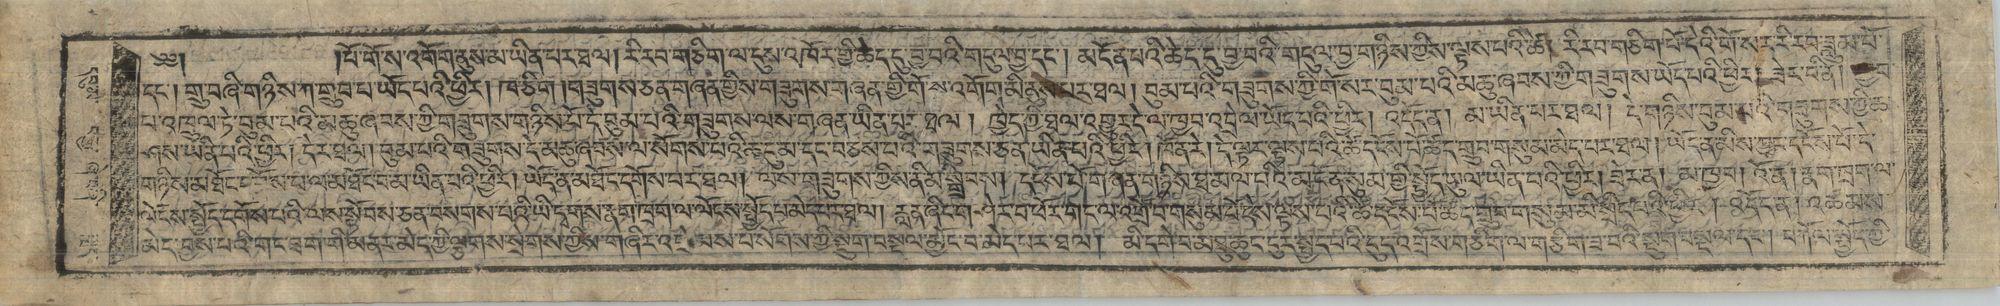༄༅། །པོ་གོ་ས་འགོག་ནུས་མ་ཡིན་པར་ཐལ། རི་རབ་གཅིག་ལ་དུས་འཁོར་གྱི་ཆེད་དུ་བྱ་བའི་གདུལ་བྱ་དང་། མངོན་པའི་ཆེད་དུ་བྱ་བའི་གདུལ་བྱ་གཉིས་ཀྱིས་ལྟས་པའི་ཚེ། རི་རབ་གཅིག་པོ་དེའི་གོ་སར་རི་རབ་ཟླུམ་པོ་
དང་། གྲུ་བཞི་གཉིས་ཀ་གྲུབ་པ་ཡོད་པའི་ཕྱིར། ཁ་ཅིག །གཟུགས་ཅན་གཞན་གྱིས་གཟུགས་གཞན་གྱི་གོ་ས་འགོག་མི་ནུས་པར་ཐལ། བུམ་པའི་གཟུགས་ཀྱི་གོ་སར་བུམ་པའི་མཆུ་ཞབས་ཀྱི་གཟུགས་ཡོད་པའི་ཕྱིར། ཟེར་བ་ནི། ཁྱབ་
པ་འཁྲུལ་ཏེ་བུམ་པའི་མཆུ་ཞབས་ཀྱི་གཟུགས་གཉིས་པོ་དེ་བུམ་པའི་གཟུགས་ལས་གཞན་ཡིན་པར་ཐལ། ཁྱེད་ཀྱི་ཐལ་འགྱུར་དེ་ལ་ཁྱབ་འབྲེལ་ཡོད་པའི་ཕྱིར། འདོད་ན། མ་ཡིན་པར་ཐལ། དེ་གཉིས་བུམ་པའི་གཟུགས་ཀྱི་ཆ་
ཤས་ཡིན་པའི་ཕྱིར། དེར་ཐལ། བུམ་པའི་གཟུགས་དེ་མཆུ་ཞབས་ལ་སོགས་པའི་ཆ་དུ་མ་དང་བཅས་པའི་གཟུགས་ཅན་ཡིན་པའི་ཕྱིར། ཁོ་ན་རེ། དེ་ལྟར་ལྟས་པའི་ཚེ་དངོས་པོ་ཚད་གྲུབ་གསུམ་མེད་པར་ཐལ། ཡོད་ན་མིས་ཀྱང་དངོས་པོ་དེ་
གཉིས་མཐོང་དགོས་པ་ལ་མཐོང་བ་མ་ཡིན་པའི་ཕྱིར། ཡོད་ན་མཐོང་དགོས་པར་ཐལ། ལས་གཟུགས་ཀྱིས་ནི་མ་སྒྲིབས། དངོས་པོ་གཞན་གཉིས་ཐ་མལ་པའི་མངོན་སུམ་གྱི་སྤྱོད་ཡུལ་ཡིན་པའི་ཕྱིར། ཟེར་ན། མ་ཁྱབ། འོ་ན། རྣག་ཁྲག་ལ་
ལོངས་སྤྱོད་དགོས་པའི་ལས་སྟོབས་ཅན་བསགས་པའི་ཡི་དྭགས་རྣག་ཁྲག་ལ་ལོངས་སྤྱོད་པ་མེད་པར་ཐལ། རླན་ཞིང་གཤེར་བ་ཕོར་གང་ལ་འགྲོ་བ་གསུམ་པོ་དེས་ལྟས་པའི་ཚེ་དངོས་པོ་ཚད་གྲུབ་གསུམ་མི་སྲིད་པའི་ཕྱིར། འདོད་ན། འཚམས་
མེད་བྱས་པའི་གང་ཟག་གིས་མནར་མེད་ཀྱི་ལྕགས་སྲེགས་ཀྱིས་གཞིར་འགྲེམྶྤ་སོགས་ཀྱི་སྡུག་བསྔལ་མྱོང་བ་མེད་པར་ཐལ། མི་དགེ་བ་མཐུ་ཆུང་ངུར་སྤྱད་པའི་དུད་འགྲོས་གཅིག་ལ་གཅིག་ཟ་བའི་སྡུག་བསྔལ་དང་། བཀོལྶྤྱོད་ཀྱི་